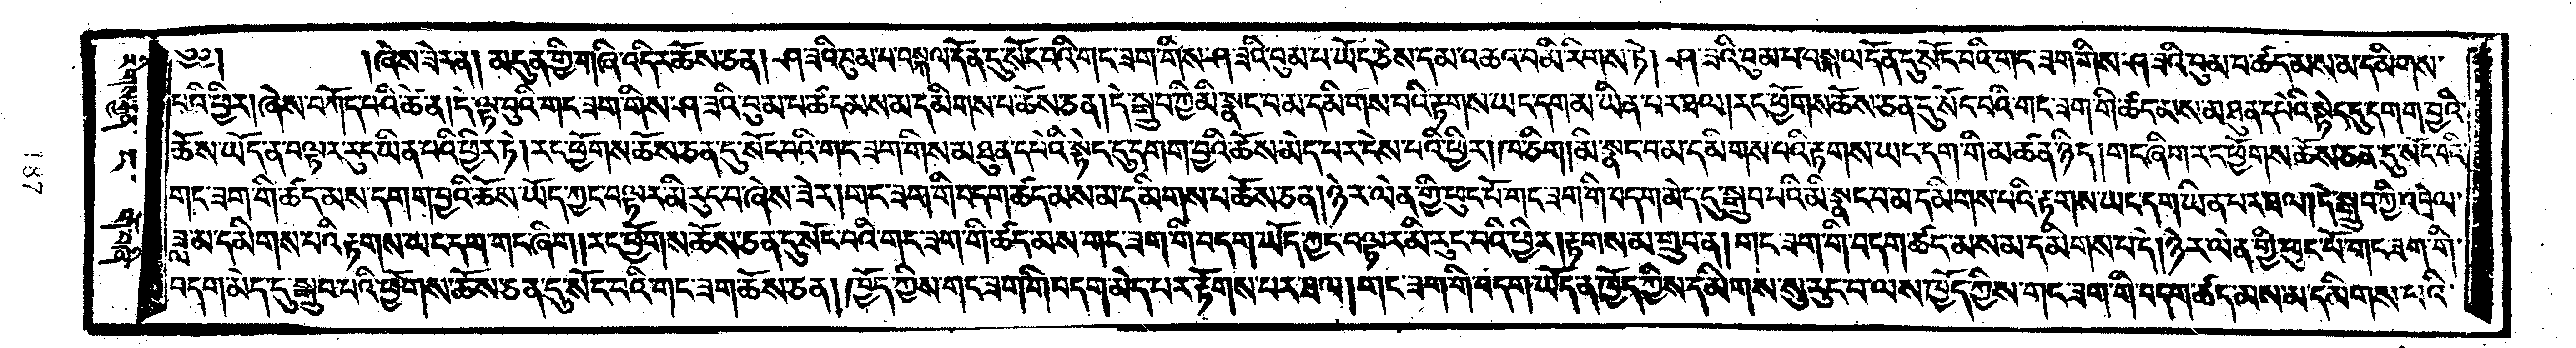༄༅། །ཞེས་ཟེར་ན། མདུན་གྱི་གཞི་འདིར་ཆོས་ཅན། ཤ་ཟའི་བུམ་པ་བསྐལ་དོན་དུ་སོང་བའི་གང་ཟག་གིས་ཤ་ཟའི་བུམ་པ་ཡོད་ཅེས་དམ་འཆའ་བ་མི་རིགས་ཏེ། ཤ་ཟའི་བུམ་པ་བསྐལ་དོན་དུ་སོང་བའི་གང་ཟག་གིས་ཤ་ཟའི་བུམ་པ་ཚད་མས་མ་དམིགས་
པའི་ཕྱིར། ཞེས་བཀོད་པའི་ཚེ་ན། དེ་ལྟ་བུའི་གང་ཟག་གིས་ཤ་ཟའི་བུམ་པ་ཆད་མས་མ་དམིགས་པ་ཆོས་ཅན། དེ་སྒྲུབ་ཀྱི་མི་སྣང་བ་མ་དམིགས་པའི་རྟགས་ཡང་དག་མ་ཡིན་པར་ཐལ། རང་ཕྱོགས་ཆོས་ཅན་དུ་སོང་བའི་གང་ཟག་གི་ཚད་མས་མཐུན་དཔེའི་སྟེང་དུ་དགག་བྱའི་
ཆོས་ཡོད་ན་བལྟར་རུང་ཡིན་པའི་ཕྱིར་ཏེ། རང་ཕྱོགས་ཆོས་ཅན་དུ་སོང་བའི་གང་ཟག་གིས་མཐུན་དཔེའི་སྟེང་དུ་དགག་བྱའི་ཆོས་མེད་པར་ངེས་པའི་ཕྱིར། ཁ་ཅིག། མི་སྣང་བ་མ་དམིགས་པའི་རྟགས་ཡང་དག་གི་མཚན་ཉིད། གང་ཞིག་རང་ཕྱོགས་ཆོས་ཅན་དུ་སོང་བའི་
གང་ཟག་གི་ཚད་མས་དགག་བྱའི་ཆོས་ཡོད་ཀྱང་བལྟར་མི་རུང་བ་ཞེས་ཟེར། གང་ཟག་གི་བདག་ཚད་མས་མ་དམིགས་པ་ཆོས་ཅན། ཉེར་ལེན་གྱི་ཕུང་པོ་གང་ཟག་གི་བདག་མེད་དུ་སྒྲུབ་པའི་མི་སྣང་བ་མ་དམིགས་པའི་རྟགས་ཡང་དག་ཡིན་པར་ཐལ། དེ་སྒྲུབ་ཀྱི་འབྲེལ་
ཟླ་མ་དམིགས་པའི་རྟགས་ཡང་དག་གང་ཞིག །རང་ཕྱོགས་ཆོས་ཅན་དུ་སོང་བའི་གང་ཟག་གི་ཚད་མས་གང་ཟག་གི་བདག་ཡོད་ཀྱང་བལྟར་མི་རུང་བའི་ཕྱིར། རྟགས་མ་གྲུབ་ན། གང་ཟག་གི་བདག་ཚད་མས་མ་དམིགས་པ་དེ། ཉེར་ལེན་གྱི་ཕུང་པོ་གང་ཟག་གི་
བདག་མེད་དུ་སྒྲུབ་པའི་ཕྱོགས་ཆོས་ཅན་དུ་སོང་བའི་གང་ཟག་ཆོས་ཅན། ཁྱོད་ཀྱིས་གང་ཟག་གི་བདག་མེད་པར་རྟོགས་པར་ཐལ། གང་ཟག་གི་བདག་ཡོད་ན་ཁྱོད་ཀྱིས་དམིགས་སུ་རུང་བ་ལས་ཁྱོད་ཀྱིས་གང་ཟག་གི་བདག་ཚད་མས་མ་དམིགས་པའི་